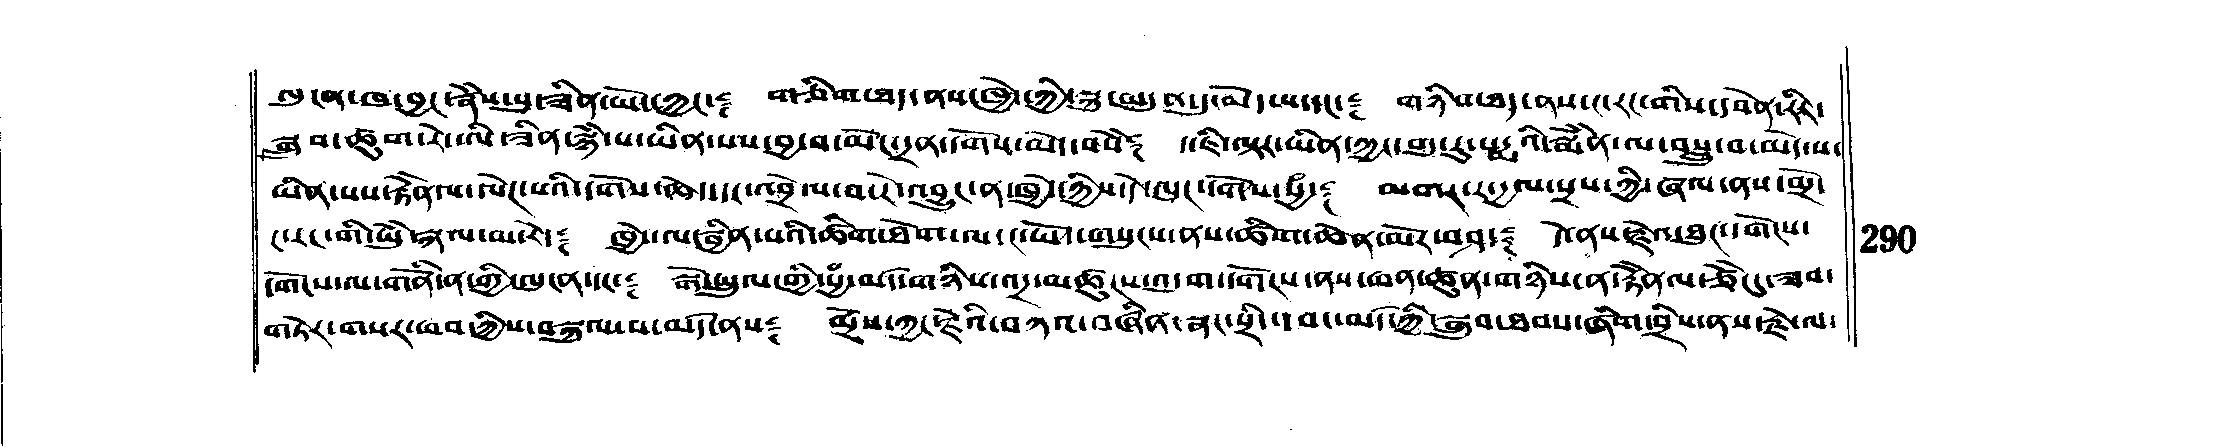ལུང་བསྟན་ཁ་བྱང་རྣམས་སུ་ཟིན་ཡོད་ཀྱང་། གཅིག་ཐད་ནས་ཁྱེད་ཀྱི་སྐུ་མདུན་དུ་མེད་པ་དང་། གཉིས་ཐད་ནས་ང་རང་གིས་དབེན་རིར་
སྒྲུབ་ཚུགས་རེ་ཨི་ཟིན་སྙམ་པ་ཡིན་པས་བྱ་བ་མང་པོ་དྲན་དགོས་མེད་བསམ། ད་ཇི་ལྟར་ཡིན་ཀྱང་གུ་རུ་པདྨའི་སྨོན་ལམ་ལ་བསླུ་བ་མེད་པ་
ཡིན་པས་རྟེན་འབྲེལ་ལེགས་པའི་དགོས་ཆེད་དང་འབྲེལ་བ་རེ་འབྱུང་ན་ཁྱེད་ཀྱིས་དེ་ལུགས་དགོས་གསུངས། མགར་ར་རྒྱལ་སྲས་ཀྱི་ཞལ་ནས་མཁའ་འགྲོ་
ང་རང་གི་ཡུམ་སྐལ་མ་རེད། ཁྱེད་ལ་སྦྱིན་པའི་ཚིག་ཐོག་ལ་ང་ཡོད་གསུངས་ནས་ཚིག་ཆེན་མོར་བཤད། དེ་ནས་རྗེའི་ཐུགས་དགོངས་
ལ་གནོད་སྦྱིན་གྱི་ལུང་བསྟན་དང་། སྒོ་སྤྲུལ་གྱི་གསུང་མཛད་གཉིས་འདྲ་མཚུངས་འདུག་དགོངས་ནས་ཕན་ཚུན་གཉིས་ནས་རྟེན་འབྲེལ་ཙམ་དུ་ཟབ་
གཏེར་གསར་ཕབ་ཀྱིས་བསྐུལ་པ་མཛད་ནས།མཁའ་འགྲོས་ཀྱང་རྗེའི་བཀའ་བཞིན་སྣང་སྲིད་དབང་མཛད་ཀྱི་སྒྲུབ་ཐབས་ཞིག་བྲིས་ནས་རྗེ་ལ་